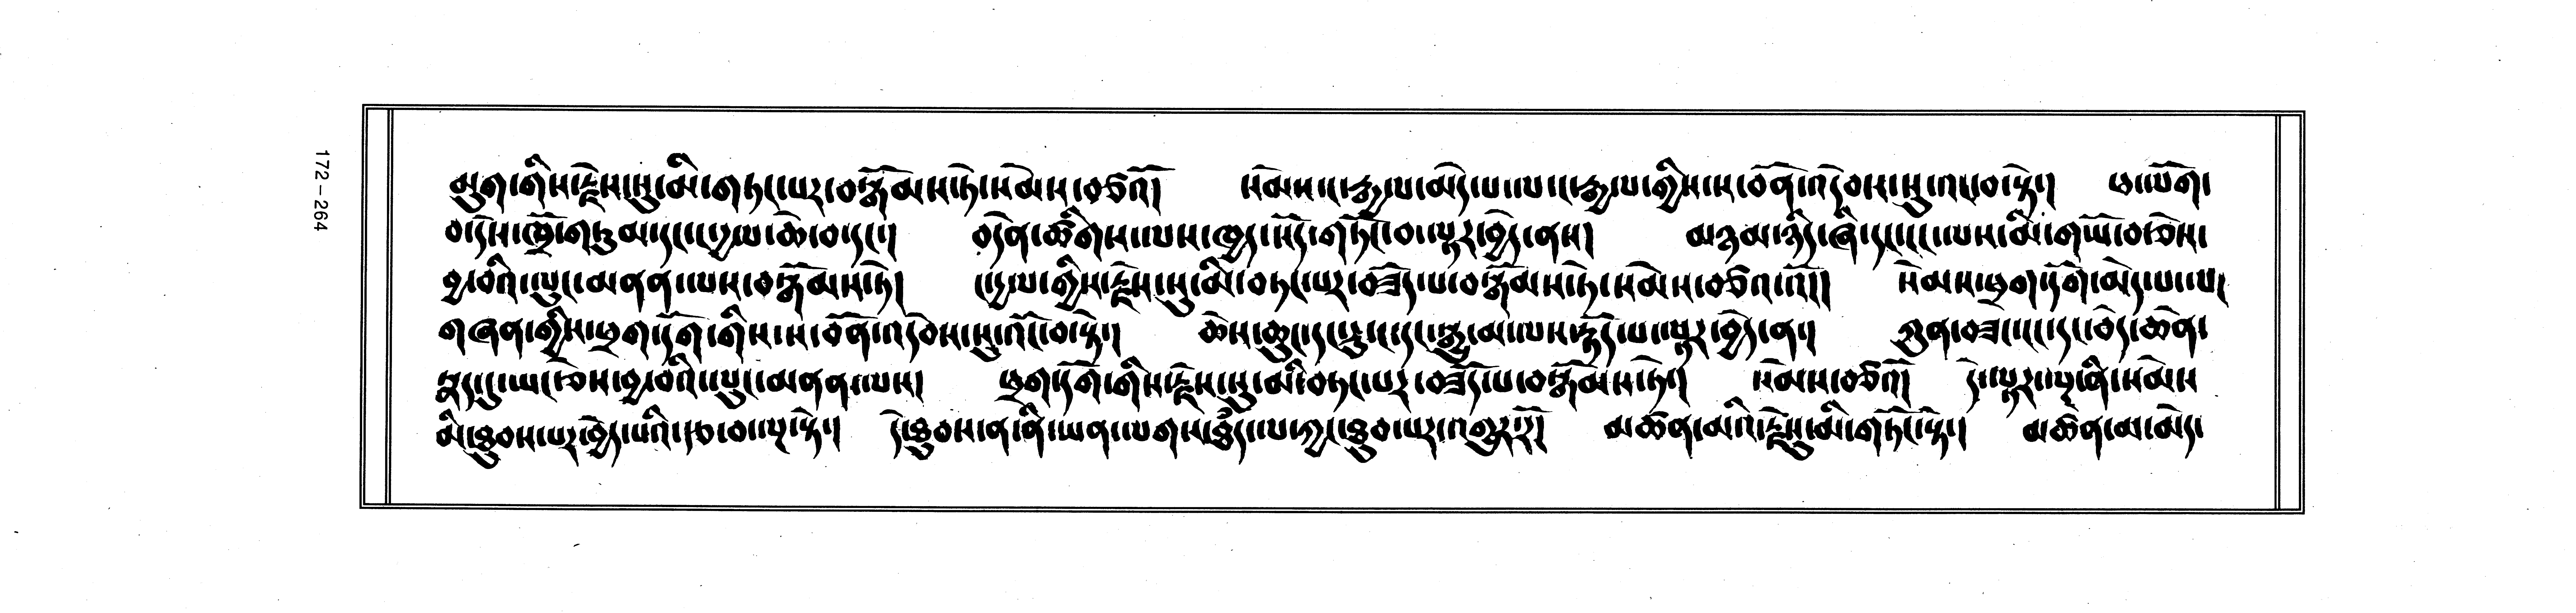མུག་གིས་རྗེས་སུ་མི་གཏང་པར་བསྒོམས་ཏེ་སེམས་བཙའོ། སེམས་ང་རྒྱལ་མེད་པ་ལ་ང་རྒྱལ་གྱིས་ས་བོན་འདེབས་སུ་འོང་བ་སྟེ། ཕ་ལོག་
བ་དེས་ཁྲོ་གཏུམ་དང་ང་རྒྱལ་ཆེ་བ་དང་། བདེན་ཚིག་ལས་ཁྱད་སོད་གཏོང་བ་ལྟར་བྱེད་ནས། མཉམ་ཉིད་ཞི་དང་ངང་ལས་མི་གཡོ་བ་ཅེས། 
བྱ་བའི་ལུང་མནན་ལས་བསྒོམས་ཏེ། ང་རྒྱལ་གྱིས་རྗེས་སུ་མི་བཏང་པར་བཟོད་པ་བསྒོམས་ཏེ་སེམས་བཙའ་འོ། སེམས་ཕྲག་དོག་མེད་པ་ལ། 
གཞན་གྱིས་ཕྲག་དོག་གིས་ས་བོན་འདེབས་སུ་འོང་བ་སྟེ། ཆེས་ཆུང་དང་རུ་ང་དང་སྒྱུ་མ་ལས་རྟོད་པ་ལྟར་བྱེད་ན། ཀུན་བཟང་ངང་དང་བདེ་ཆེན་
སྣད་དུ་ཡང་ཅེས་བྱ་བའི་ལུང་མནན་ལས། ཕྲག་དོག་གིས་རྗེས་སུ་མི་བཏང་པར་བཟོད་པ་བསྒོམས་ཏེ་སེམས་བཙའོ། དེ་ལྟར་ལྔ་ནི་སེམས་
མི་ཐུབས་པར་བྱེད་པའི་རྩ་བ་ལྔ་སྟེ། དེ་ཐུབས་ན་ནི་ཡན་ལག་ཐམས་ཅད་ལ་ཀྱང་ཐུབ་པར་འགྱུར་རོ། མཚན་མའི་རྗེས་སུ་མི་གཏོང་སྟེ། མཚན་མ་མེད་